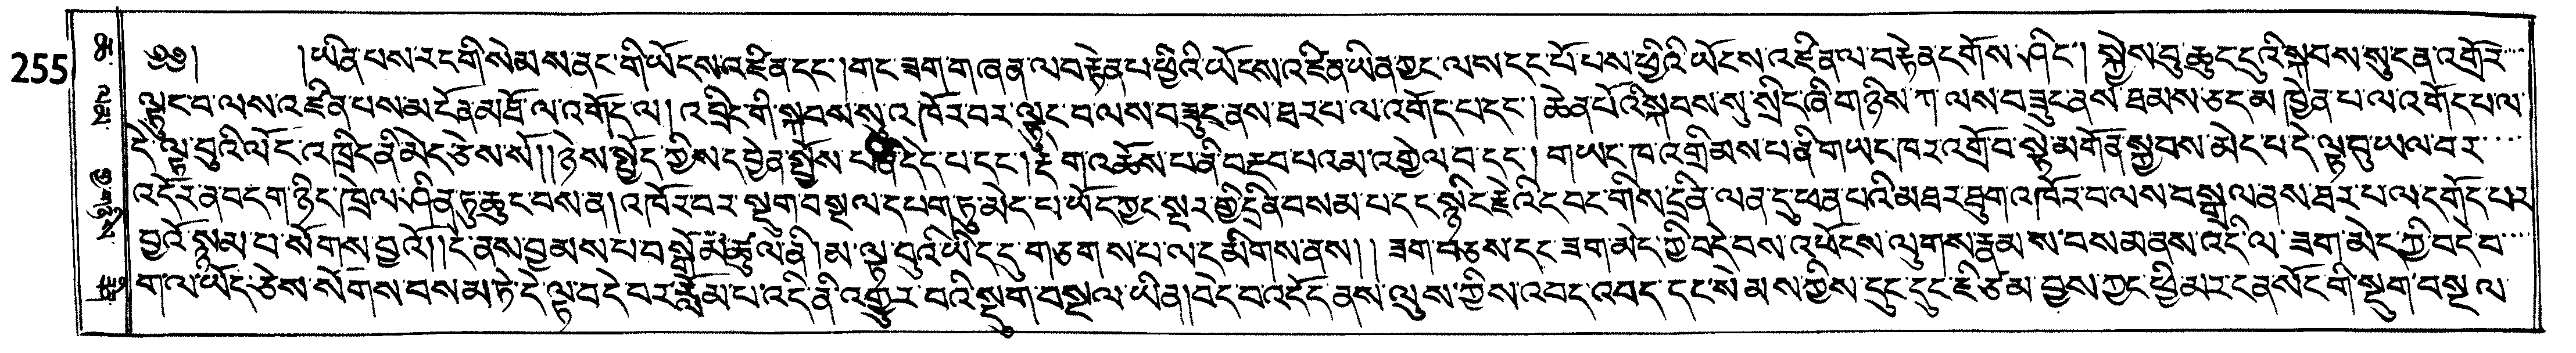༄༅། །ཡིན་པས་རང་གི་སེམས་ནང་གི་ཡོངས་འཛིན་དང་། གང་ཟག་གཞན་ལ་བརྟེན་པ་ཕྱིའི་ཡོངས་འཛིན་ཡིན་ཀྱང་ལས་དང་པོ་པས་ཕྱིའི་ཡོངས་འཛིན་ལ་བརྟེན་དགོས་ཤིང་། སྐྱེས་བུ་ཆུང་ངུའི་སྐབས་སུ་ངན་འགྲོར་
ལྟུང་བ་ལས་འཛིན་པས་མངོན་མཐོ་ལ་འགོད་ལ། འབྲིང་གི་སྐབས་སུ་འཁོར་བར་ལྟུང་བ་ལས་བཟུང་ནས་ཐར་པ་ལ་འགོད་པ་དང་། ཆེན་པོའི་སྐབས་སུ་སྲིད་ཞི་གཉིས་ཀ་ལས་བཟུང་ནས་ཐམས་ཅད་མཁྱེན་པ་ལ་འགོད་པ་ལ་
དེ་ལྟ་བུའི་ལོང་འཁྲིད་ནི་མེད་ཅེས་སོ། །ཉེས་སྤྱོད་ཀྱིས་དབྱེན་སྤྱོས་པ་ནི་དེད་པ་དང་། རྡེག་འཆོས་པ་ནི་བརྡབ་པའམ་འགྱེལ་བ་དང་། གཡང་ཁ་འགྲིམས་པ་ནི་གཡང་ཁར་འགྲོ་བ་སྟེ་མགོན་སྐྱབས་མེད་པ་དེ་ལྟ་བུ་ཡལ་བར་
འདོར་ན་བདག་ཉིད་ཁྲེལ་ཤིན་ཏུ་ཆུང་བས་ན། འཁོར་བར་སྡུག་བསྔལ་དཔག་ཏུ་མེད་པ་ཡོད་ཀྱང་སྔར་གྱི་དྲིན་བསམ་པ་དང་སྙིང་རྗེའི་དབང་གིས་དྲིན་ལན་དུ་ཕན་པའི་མཐར་ཐུག་འཁོར་བ་ལས་བསྒྲལ་ནས་ཐར་པ་ལ་དགོད་པར་
བྱའོ་སྙམ་པ་སོགས་བྱའོ། །དེ་ནས་བྱམས་པ་བསྒོམ་མཚུལ་ནི། མ་ལྟ་བུའི་ཡིད་དུ་གཅགས་པ་ལ་དམིགས་ནས། །ཟག་བཅས་དང་ཟག་མེད་ཀྱི་བདེ་བས་འཕོངས་ལུགས་རྣམས་བསམ་ནས་འདི་ལ་ཟག་མེད་ཀྱི་བདེ་བ་
ག་ལ་ཡོད་ཅེས་སོགས་བསམ་ཏེ་དེ་ལྟ་བདེ་བར་རློམ་པ་འདི་ནི་འགྱུར་བའི་སྡུག་བསྔལ་ཡིན། བདེ་བ་འདོད་ནས་ལུས་ཀྱིས་འབད་འབད་དང་སེམས་ཀྱིས་དུང་དུང་ཇི་ཙམ་བྱས་ཀྱང་ཕྱི་མར་ངན་སོང་གི་སྡུག་བསྔལ་